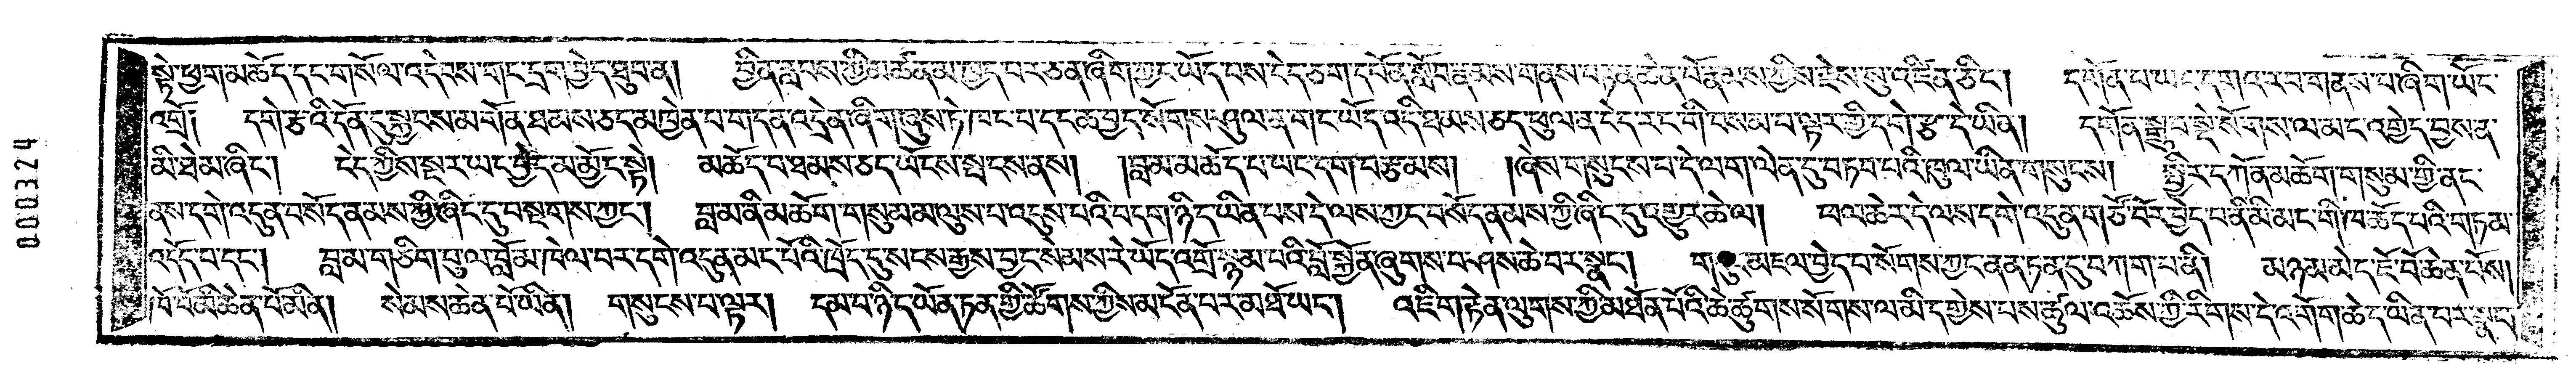སྟེ་ཕྱག་མཆོད་དང་གསོལ་འདེབས་གང་དྲག་བྱེད་ཐུབ་ན། བྱིན་རླབས་ཀྱི་མཚན་མ་ཁྱད་པར་ཅན་ཞིག་ཀྱང་ཡོད་པས་ངེད་ཅག་དཔོན་སློབ་རྣམས་གནས་བརྟན་ཆེན་པོ་རྣམས་ཀྱིས་རྗེས་སུ་འཛིན་ཅིང་། དགོན་པ་ཡང་དགའ་རབ་གནས་པ་ཞིག་ཡོང་
འགྲོ༑ དགེ་རྩའི་དོན་དུ་སྐྱབས་མགོན་ཐམས་ཅད་མཁྱེན་པ་གདན་འདྲེན་ཞིག་ཞུས་ཏེ་ཁང་པ་དང་ཆ་བྱད་སོགས་ཤུལ་ན་གང་ཡོད་འདི་ཐམས་ཅད་ཕུལ་ན་ངེད་རང་གི་བསམ་པ་ལྟར་གྱི་དགེ་རྩ་དེ་ཡིན། དགོན་སྒྲུབ་སྡེ་སོགས་ལ་མང་འགྱེད་བྱས་ན་
མི་ཐེམ་ཞིང་། ངེད་ཀྱིས་སྔར་ཡང་བྱེད་མ་མྱོང་སྟེ། མཆོད་པ་ཐམས་ཅད་ཡོངས་སྤངས་ནས། །བླ་མ་མཆོད་པ་ཡང་དག་བརྩམས། །ཞེས་གསུངས་པ་དེ་ལག་ལེན་དུ་བཏབ་པའི་ཁུལ་ཡིན་གསུངས། སྤྱིར་དཀོན་མཆོག་གསུམ་གྱི་ནང་
ནས་དགེ་འདུན་བསོད་ནམས་ཀྱི་ཞིང་དུ་བསྔགས་ཀྱང་། བླ་མ་ནི་མཆོག་གསུམ་མ་ལུས་པ་འདུས་པའི་བདག་ཉིད་ཡིན་པས་དེ་ལས་ཀྱང་བསོད་ནམས་ཀྱི་ཞིང་དུ་འགྱུར་ཆེ་ལ། ཕལ་ཆེར་དེ་ལས་དགེ་འདུན་གཙོ་བོར་བྱེད་པ་ནི་མི་མང་གི་ཁ་ཆོད་པའི་གཏམ་
འདོད་པ་དང་། བླ་མ་གཅིག་པུ་ལ་བློ་མ་ཁེལ་བར་དགེ་འདུན་མང་པོའི་ཁྲོད་དུ་སངས་རྒྱས་བྱང་སེམས་རེ་ཡོད་འགྲོ་སྙམ་པའི་བློ་སྐྱོན་ཞུགས་བ་ཤས་ཆེ་བར་སྣང་། གདུང་མཇལ་བྱེད་པ་སོགས་ཀྱང་ནན་ཏན་དུ་བཀག་པ་ནི། མཉམ་མེད་ཇོ་བོ་ཆེན་པོས།
ཁོ་བོ་མི་ཆེན་པོ་མིན། སེམས་ཆེན་པོ་ཡིན། གསུངས་བ་ལྟར། དམ་པ་ཉིད་ཡོན་ཏན་གྱི་ཚོགས་ཀྱིས་མངོན་པར་མཐོ་ཡང་། འཇིག་རྟེན་ལུགས་ཀྱི་མཐོན་པོའི་ཆེ་ཚུགས་སོགས་ལ་མི་དགྱིས་པས་ཚུལ་འཆོས་ཀྱི་རིགས་དེ་འགོག་ཆེད་ཡིན་པར་སྣང་།